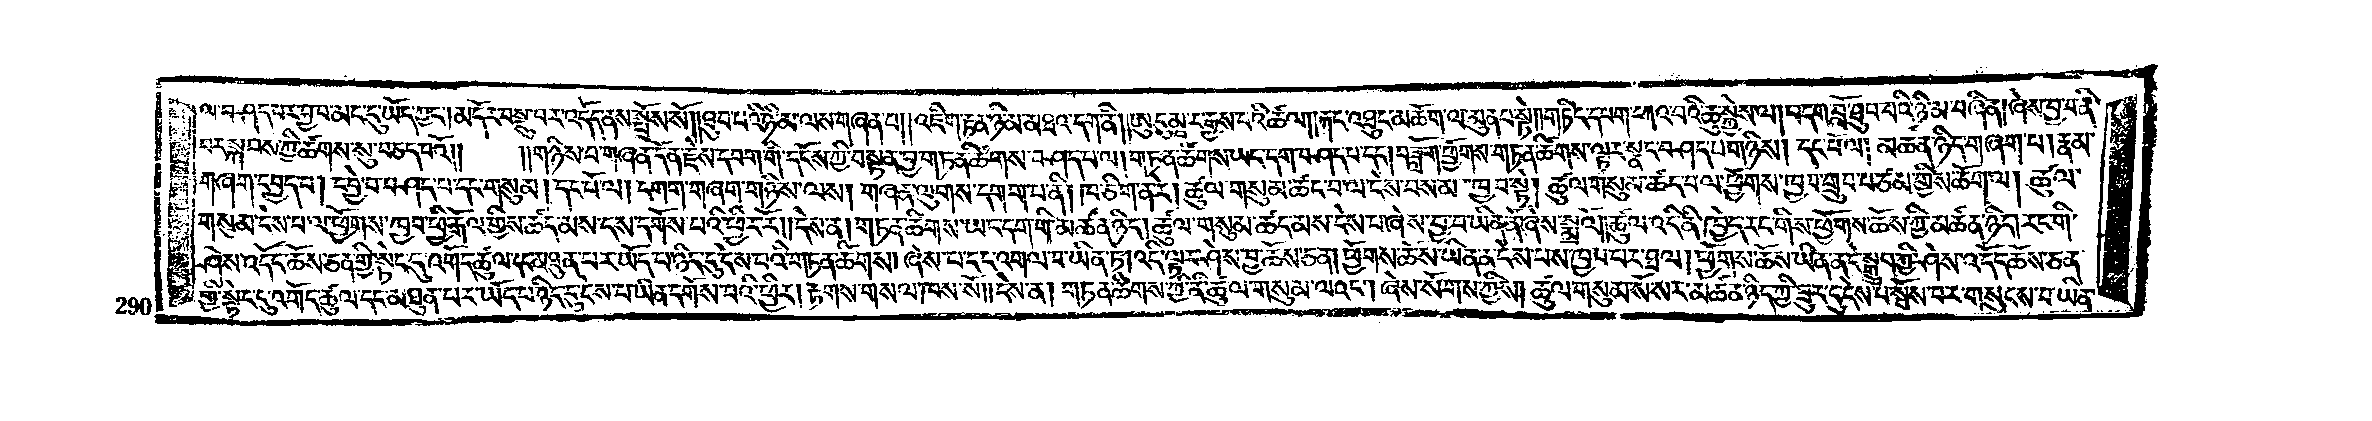ལ་བཤད་པར་བྱ་བ་མང་དུ་ཡོད་ཀྱང་། མདོར་བསྡུ་བར་འདོད་ནས་མ་སྤྲོས་སོ། །ཐུབ་པའི་ཉི་མ་ལས་གཞན་པ། །འཇིག་རྟེན་ཉི་མ་མཐའ་དག་ནི། ཨུ་དུམྦ་ར་རྒྱས་པའི་ཚལ། །རྐང་འཐུང་མཆོག་ལ་མུན་པ་སྟེ། །གཏིང་དཔག་དཀའ་བའི་ཆུ་སྐྱེས་ལ། བདག་བློ་ཐུབ་པའི་ཉི་མ་བཞིན། ཞེས་བྱ་བ་ནི་
བར་སྐབས་ཀྱི་ཚིགས་སུ་བཅད་པའོ།། །།གཉིས་པ་གཞན་དོན་རྗེས་དཔག་གི་དངོས་ཀྱི་བསྟན་བྱ་གཏན་ཚིགས་བཤད་པ་ལ། གཏན་ཚིགས་ཡང་དག་བཤད་པ་དང་། བཟློག་ཕྱོགས་གཏན་ཚིགས་ལྟར་སྣང་བཤད་པ་གཉིས། དང་པོ་ལ། མཚན་ཉིད་གཞག་པ། རྣམ་
གཞག་དཔྱད་པ། དབྱེ་བ་བཤད་པ་དང་གསུམ། དང་པོ་ལ། དགག་གཞག་གཉིས་ལས། གཞན་ལུགས་དགག་པ་ནི། ཁ་ཅིག་ན་རེ། ཚུལ་གསུམ་ཚང་བ་ལ་ངེས་བསམ་ཁྱབ་སྟེ། ཚུལ་གསུམ་ཚད་བ་ལ་ཕྱོགས་ཁྱབ་གྲུབ་པ་ཙམ་གྱིས་ཆོག་ལ། ཚུལ་
གསུམ་ངེས་པ་ལ་ཕྱོགས་ཁྱབ་ཕྱི་རྒོལ་གྱིས་ཚད་མས་ངས་དགོས་པའི་ཕྱིར་རོ། །དེས་ན། གཏན་ཚིགས་ཡང་དག་གི་མཚན་ཉིད། ཚུལ་གསུམ་ཚད་མས་ངེས་པ་ཞེས་བྱ་བ་ཡིན་ནོ་ཞེས་སྨྲའོ། །ཚུལ་འདི་ནི་ཁྱེད་རང་གིས་ཕྱོགས་ཆོས་ཀྱི་མཚན་ཉིད། རང་གི་
ཤེས་འདོད་ཆོས་ཅན་གྱི་སྟེང་དུ་འགོད་ཚུལ་དང་མཐུན་པར་ཡོད་པ་ཉིད་དུ་ངེས་པའི་གཏན་ཚིགས། ཞེས་པ་དང་འགལ་བ་ཡིན་ཏེ། འདི་ལྟར་ཤེས་བྱ་ཆོས་ཅན། ཕྱོགས་ཆོས་ཡིན་ན་ངེས་པས་ཁྱབ་པར་ཐལ། ཕྱོགས་ཆོས་ཡིན་ན་དེ་སྒྲུབ་ཀྱི་ཤེས་འདོད་ཆོས་ཅན་
ཀྱི་སྟེང་དུ་འགོད་ཚུལ་དང་མཐུན་པར་ཡོད་པ་ཉིད་དུ་དེས་པ་ཡིན་དགོས་པའི་ཕྱིར། རྟགས་གསལ་ཁས་སོ། །དེས་ན། གཏན་ཚིགས་ཀྱི་ནི་ཚུལ་གསུམ་ལའང་། ཞེས་སོགས་ཀྱིས། ཚུལ་གསུམ་སོ་སོར་མཚན་ཉིད་ཀྱི་ཟུར་དུ་དེས་པ་སྨོས་པར་གསུངས་པ་ཡིན་